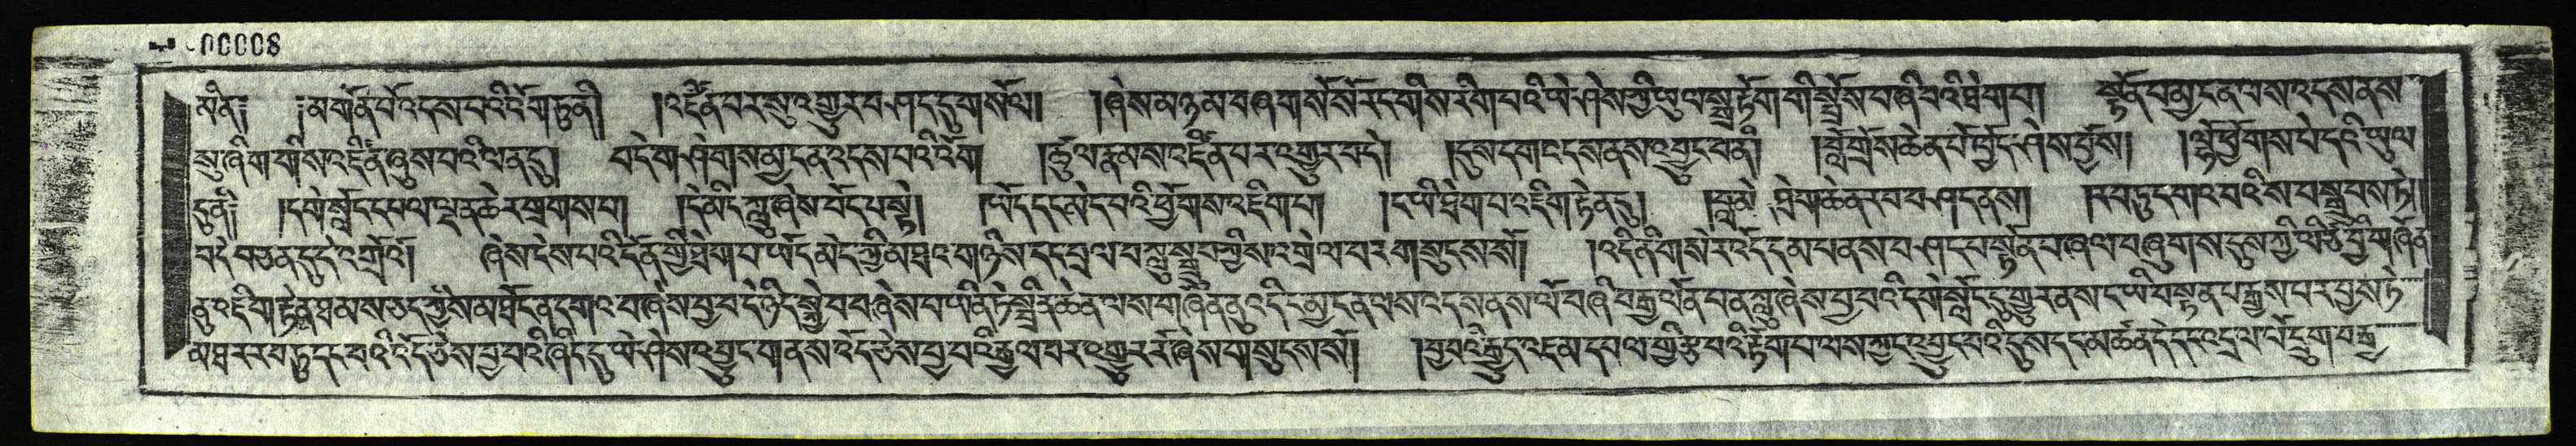མིན༑ ༑མགོན་པོ་འདས་པའི་འོག་ཏུ་ནི། །འཛིན་པར་སུ་འགྱུར་བཤད་དུ་གསོལ། །ཞེས་མཉམ་བཞག་སོ་སོ་རང་གིས་རིག་པའི་ཡེ་ཤེས་ཀྱི་ཡུལ་སྒྲ་རྟོག་གི་སྤྲོས་བ་ཞི་བའི་ཐེག་པ། སྟོན་པ་མྱ་ངན་ལས་འདས་ནས་
སུ་ཞིག་གིས་འཛིན་ཞུས་པའི་ལན་དུ། བདེ་གཤེགས་མྱ་ངན་འདས་པའི་འོག །ཚུལ་རྣམས་འཛིན་པར་འགྱུར་བ་དེ། །དུས་དག་འདས་ནས་འབྱུང་བ་ནི། །བློ་གྲོས་ཆེན་པོ་ཁྱོད་ཤེས་བྱོས། །ལྷོ་ཕྱོགས་པ་དེའི་ཡུལ་
དུ་ནི༑ །དགེ་སློང་དཔལ་ལྡན་ཆེར་གྲགས་པ། །དེ་མིང་ཀླུ་ཞེས་བོད་པ་སྟེ། །ཡོད་དང་མེད་པའི་ཕྱོགས་འཇིག་པ། །ང་ཡི་ཐེག་པ་འཇིག་རྟེན་དུ། །བླ་མེད་ཐེག་ཆེན་རབ་བཤད་ནས། །རབ་ཏུ་དགའ་བའི་ས་བསྒྲུབས་ཏེ།།
བདེ་བ་ཅན་དུ་དེ་འགྲོའོ། ཞེས་ངེས་པའི་དོན་གྱི་ཐེག་པ་ཡོད་མེད་ཀྱི་མཐའ་གཉིས་དང་བྲལ་བ་ཀླུ་སྒྲུབ་ཀྱིས་འགྲེལ་པར་གསུངས་སོ། །འདི་ནི་གསེར་འོད་དམ་པ་ནས་བཤད་པ་སྟོན་པ་ཞལ་བཞུགས་དུས་ཀྱི་ལི་ཙ་བྱི་གཞོན་
ནུ་འཇིག་རྟེན་ཐམས་ཅད་ཀྱིས་མཐོང་ན་དགའ་བ་ཞེས་བྱ་བ་དེ་ཉིད་སྐྱེ་བ་བཞེས་པ་ཡིན་ཏེ་སྤྲིན་ཆེན་ལས་གཞོན་ནུ་འདིར་མྱ་ངན་ལས་འདས་ནས་ལོ་བཞི་བརྒྱ་ལོན་པ་ན་ཀླུ་ཞེས་བྱ་བའི་དགེ་སློང་དུ་གྱུར་ནས་ང་ཡི་བསྟན་པ་རྒྱས་པར་བྱས་ཏེ་
མཐར་རབ་ཏུ་དང་བའི་འོད་ཅེས་བྱ་བའི་ཞིང་དུ་ཡེ་ཤེས་འབྱུང་གནས་འོད་ཅེས་བྱ་བའི་རྒྱལ་བར་འགྱུར་རོ་ཞེས་གསུངས་སོ། །བྱ་བའི་རྒྱུད་འཇམ་དཔལ་གྱི་རྩ་བའི་རྟོག་པ་ལས་ཀྱང་འབྱུང་བའི་དུས་དང་མཚན་དེ་དང་འདྲ་ལ་ལོ་དྲུག་བརྒྱ་